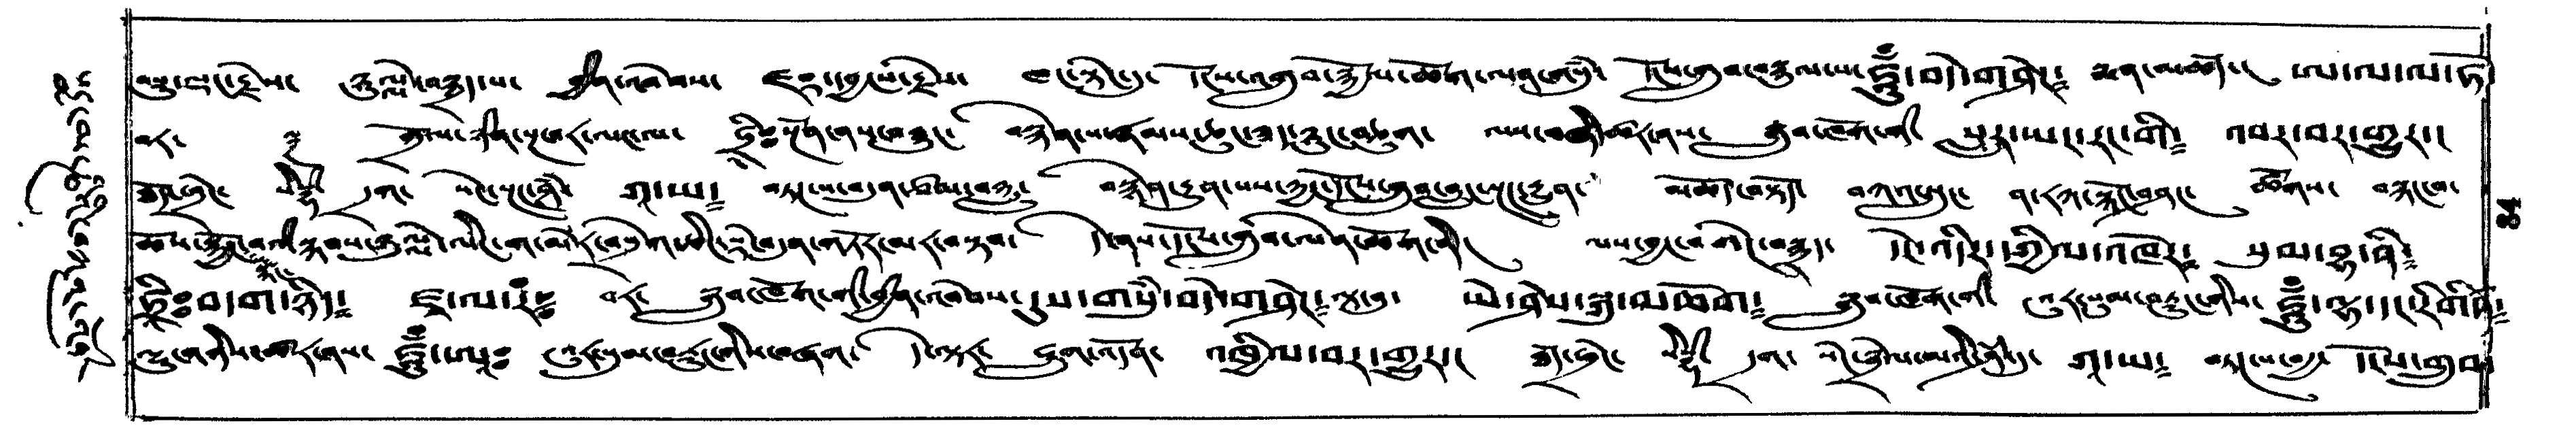བསྡུ་ལྡང་རྗེས། ཉུལ་ལེ་བསྐྲད་པ། བྱིན་འབེབས། ཛབ་དབྱངས་རྗེས་ཁང་སྟེང་དུ་དངོས་གྲུབ་ལེན་ཆོག་ལན་གསུམ། དངོས་གྲུབ་བསྐུལ་པ་ཧཱུྃ་བདེ་གཤེགས༴ སྨན་མཆོད། ཨ་ལ་ལ་ཧོ་
བར། ༈ གྲོལ་ཉིན་སྔ་བར་ལང་ལ། ཧྲཱིཿསྔོན་ནས་བཟུང་། བསྙེན་པ་རྣམས་ཅུང་ཟད་ཉུང་བཅུག ལས་བཞི་ཚར་ནས། སྒྲུབ་ཁོག་གི སླར་ཡང་རང་གི༴ འབར་བར་གྱུར། 
ཐོད་ཕྲེང་། སིདྡྷི། དྲག སེང་སྔགས་ཤམ། ཀཱ་ཡ༴ བཏགས་པ་བདུན་ཙམ་བཟླ། བསྙེན་རྒྱུན་པས་ཀྱང་དངོས་གྲུབ་བླང་། སྔགས་རྒྱུན། མཆོད་བསྟོད། བཀའ་སྲུང་། ན་རཀ་སྐོང་བཤགས། ཚོགས། བསྐང་བ། 
ཆོས་སྐྱོང་སྐང་བའི་སྐབས་ཉུལ་ལེ་ལིང་ག་མེར་བསྲེག་ཅིང་སྡེ་བདུན་གཏོར་མར་བསྟབ། དེ་ནས་དངོས་གྲུབ་ལེན་ཆོག་ནི། ལས་བྱང་བགེགས་བསྐྲད། དེང་འདིར་དཀྱིལ་འཁོར༴ སུམ་བྷ་ནི༴ 
ཧྲཱིཿབདག་ཉིད༴ ཛྭ་ལ་རཾ༔ བར། སྒྲུབ་ཁོག་གི་བྱིན་འབེབས་དུས་གསུམ་བདེ་གཤེགས༴ ལྟ་བུ། ཡེ་ཤེས་སྐུ་མཆོག༴ སྒྲུབ་ཁོག་གི། འུར་སུམ་བརྡུང་གིས། ཧཱུྃ་ལྷ་དང་རིག་འཛིན༴ 
ལྟ་བུ་གཉིས་ཚར་ནས། ཧཱུྃ་ཨཱཿ འུར་སུམ་བརྡུང་གིས་བཞག དེ་ལྟར་ཧྲུག་འདོན། འཁྱིལ་བར་གྱུར། ཐོད་ཕྲེང་། སིདྡྷི། དྲག་སེང་སྦྲེལ་མའི་ཤམ་དུ། ཀཱ་ཡཿ བཏགས་པ་བརྒྱ། དངོས་གྲུབ༴